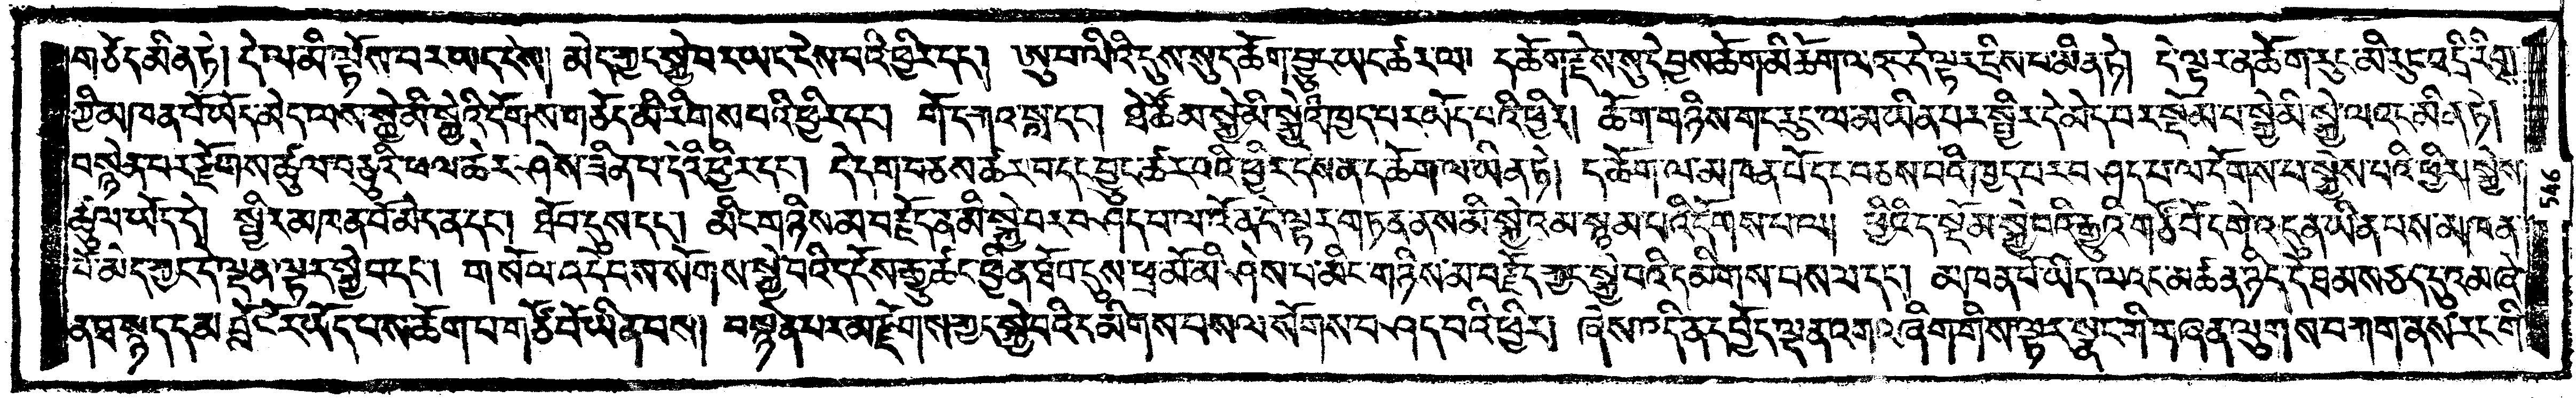གཅོད་མིན་ཏེ། དེ་ལ་མི་ལྟོས་བར་ཡང་ངེས། མེད་ཀྱང་སྐྱེ་བར་ཡང་ངེས་པའི་ཕྱིར་དང་། ཨུ་པ་ལིའི་དུས་སུ་ད་ཆོག་བྱུང་ཡང་ཚར་ལ། ད་ཆོག་རྗེས་སུ་དེ་བྱས་ཆོག་མི་ཆོག་ལའང་དེ་ལྟར་དྲིས་བ་མིན་ཏེ། དེ་ལྟར་ན་ཆོག་རུང་མི་རུང་འདྲི་རིགས་
ཀྱི་མཁན་པོ་ཡོད་མེད་ལས་སྐྱེ་མི་སྐྱེའི་དོགས་གཅོད་མི་རིགས་པའི་ཕྱིར་དང་། གོ་དཀའ་སླ་དང་། ཐེ་ཚོམ་སྐྱེ་མི་སྐྱེའི་ཁྱད་པར་ཡོད་པའི་ཕྱིར། ཆོག་གཉིས་གང་རུང་ལ་མ་ཡིན་པར་སྤྱིར་དེ་མེད་པར་སྔོམ་པ་སྐྱེ་མི་སྐྱེ་ལའང་མིན་ཏེ།
བསྙེན་པར་རྫོགས་ཚུལ་བཅུའི་ཕལ་ཆེར་ཤེས་ཟིན་པ་དེའི་ཕྱིར་དང་། དེ་དག་བཅས་ཚར་བ་དང་བྱུང་ཚར་བའི་ཕྱིར་དེས་ན་ད་ཆོག་ལ་ཡིན་ཏེ། ད་ཆོག་ལ་མཁན་པོ་དང་བཅས་པའི་ཁྱད་པར་བཤད་པ་ལ་དོགས་པ་སྐྱེས་པའི་ཕྱིར། སྐྱེས་
ཚུལ་ཡོད་དེ། སྤྱིར་མཁན་བོ་མེད་ན་དང་། ཐོབ་དུས་དང་། མིང་གཉིས་མ་བརྗོད་ན་མི་སྐྱེ་བར་བཤད་པ་ལ་འོན་དེ་ལྟར་གཏན་ནས་མི་སྐྱེའམ་སྙམ་པའི་དོགས་པ་ལ། ཕྱིར་འོད་སྔོམ་སྐྱེ་བའི་རྒྱུའི་གཙོ་བོ་དགེ་འདུན་ཡིན་པས་མཁན་
པོ་མེད་ཀྱང་དེ་ལྡན་ལྟར་སྐྱེ་བ་དང་། གསོལ་འདེབས་སོགས་སྐྱེ་བའི་དངོས་རྒྱུ་ཚང་ཕྱིན་ཐོབ་དུས་ཕྲ་མོ་མི་ཤེས་པ་མིང་གཉིས་མ་བརྗོད་ཀྱང་སྐྱེ་བའི་དམིགས་བསལ་དང་། མཁན་པོ་ཡོད་ལའང་མཚན་ཉིད་དེ་ཐམས་ཅད་དུའམ་ཞེ་
ན་ཐ་སྙད་དམ་བློ་ངོར་ཡོད་པས་ཆོག་པ་གཙོ་བོ་ཡིན་པས། བསྙེན་པར་མ་རྫོགས་ཀྱང་སྐྱེ་བའི་དམིགས་བསལ་སོགས་བཤད་པའི་ཕྱིར། ཞེས་འདི་ན་དཔྱོད་ལྡན་འགའ་ཞིག་གིས་ལྟར་སྣང་གི་གཞན་ལུགས་བཀག་ནས་རང་གི་